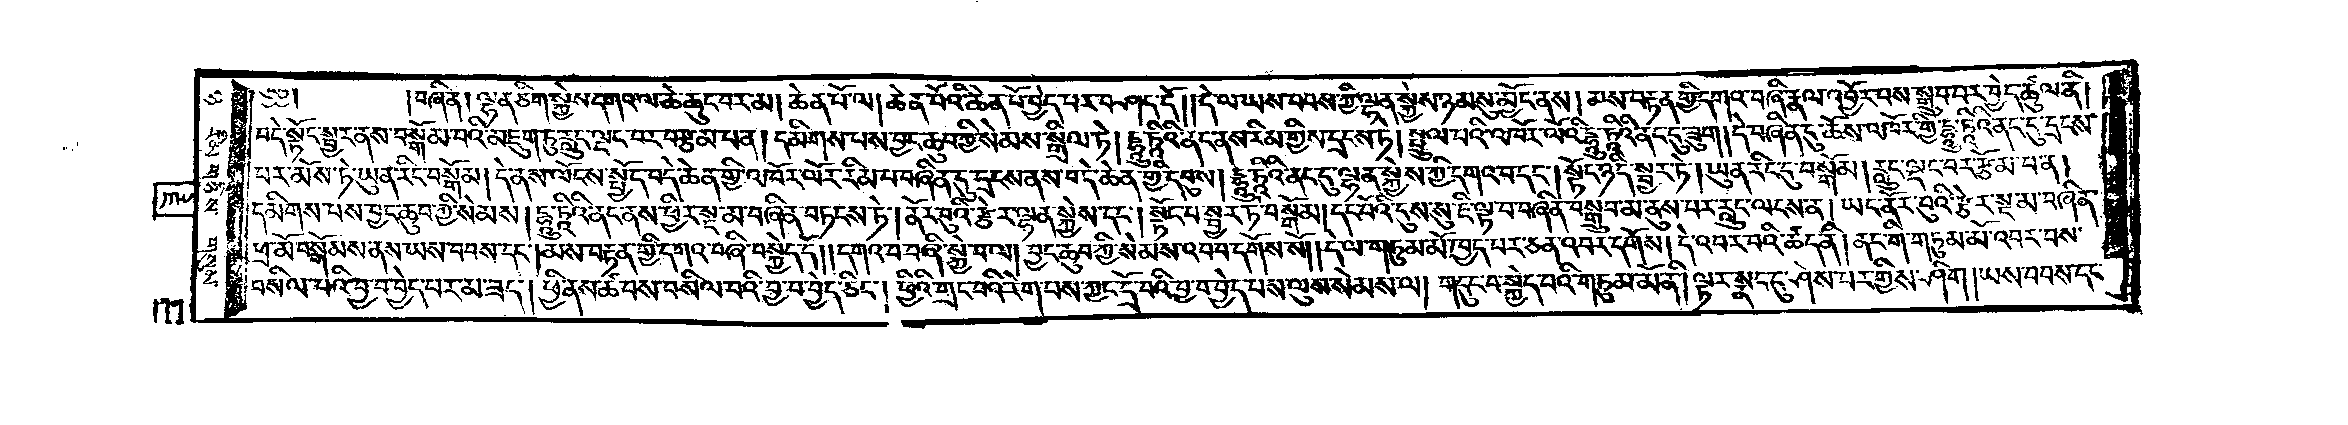༄༅། །བཞིན། ལྷན་ཅིག་སྐྱེས་དགའ་ལ་ཆེ་ཆུང་བར་མ། ཆེན་པོ་ལ། ཆེན་པོའི་ཆེན་པོ་བྱེད་པར་བཤད་དོ། །དེ་ལ་ཡབ་བབས་ཀྱི་ལྷན་སྐྱེས་ཉམས་སུ་མྱོང་ནས། མས་བརྟན་གྱི་དགའ་བཞི་རྣལ་འབྱོར་པས་སྒྲུབ་པར་བྱེད་ཚུལ་ནི།
བདེ་སྟོང་སྦྱར་ནས་བསྒོམ་པའི་མཇུག་ཏུ་རླུང་ལྡང་བར་བརྩམ་པ་ན། དམིགས་པས་བྱང་ཆུབ་ཀྱི་སེམས་སྒྲིལ་ཏེ། དྷཱུ་ཏཱིའི་ནང་ནས་རིམ་གྱིས་དྲངས་ཏེ། སྤྲུལ་པའི་འཁོར་ལོའི་དྷཱུ་ཏཱིའི་ནང་དུ་ཟུག །དེ་བཞིན་དུ་ཆོས་འཁོར་གྱི་དྷཱུ་ཏཱིའི་ནང་དུ་དྲངས་
པར་མོས་ཏེ་ཡུན་རིང་བསྒོམ། དེ་ནས་ལོངས་སྤྱོད་བདེ་ཆེན་གྱི་འཁོར་ལོར་རིམ་པ་བཞིན་དུ་དྲངས་ནས་བདེ་ཆེན་གྱི་དབུས། དྷཱུ་ཏཱིའི་ནང་དུ་ལྷན་སྐྱེས་ཀྱི་དགའ་བ་དང་། སྟོང་ཉིད་སྦྱར་ཏེ། ཡུན་རིང་དུ་བསྒོམ། རླུང་ལྡང་བར་རྩོམ་པ་ན།
དམིགས་པས་བྱང་ཆུབ་ཀྱི་སེམས། དྷཱུ་ཏཱིའི་ནང་ནས་ཕྱིར་སྔ་མ་བཞིན་བཏངས་ཏེ། ནོར་བུའི་རྩེར་ལྷན་སྐྱེས་དང་། སྟོང་པ་སྦྱར་ཏེ་བསྒོམ། དང་པོའི་དུས་སུ་ཇི་ལྟ་བ་བཞིན་བསྒྲུབ་མ་ནུས་པར་རླུང་ལངས་ན། ཡང་ནོར་བུའི་རྩེར་སྔ་མ་བཞིན་
ཕྲ་མོ་བསྒོམས་ནས་ཡས་བབས་དང་། མས་བརྟན་གྱི་དགའ་བཞི་བསྐྱེད་དོ། །དགའ་བ་བཞི་སྐྱེ་བ་ལ། བྱང་ཆུབ་ཀྱི་སེམས་འབབ་དགོས་སོ། །དེ་ལ་གཏུམ་མོ་ཁྱད་པར་ཅན་འབར་དགོས། དེ་འབར་བའི་ཚད་ནི། ནང་གི་གཏུམ་མོ་འབར་བས་
བསིལ་པའི་བྱ་བ་བྱེད་པར་མ་ཟད། ཕྱི་ནས་ཙ་བས་བསིལ་བའི་བྱ་བ་བྱེད་ཅིང་། ཕྱིའི་གྲང་བའི་རེག་པས་ཀྱང་དྲོ་བའི་བྱ་བ་བྱེད་པས་ལུས་སེམས་ལ། གདུང་བ་སྐྱེད་པའི་གཏུམ་མོ་ནི། ལྟར་སྣང་དུ་ཤེས་པར་གྱིས་ཤིག །ཡས་བབས་དང་།